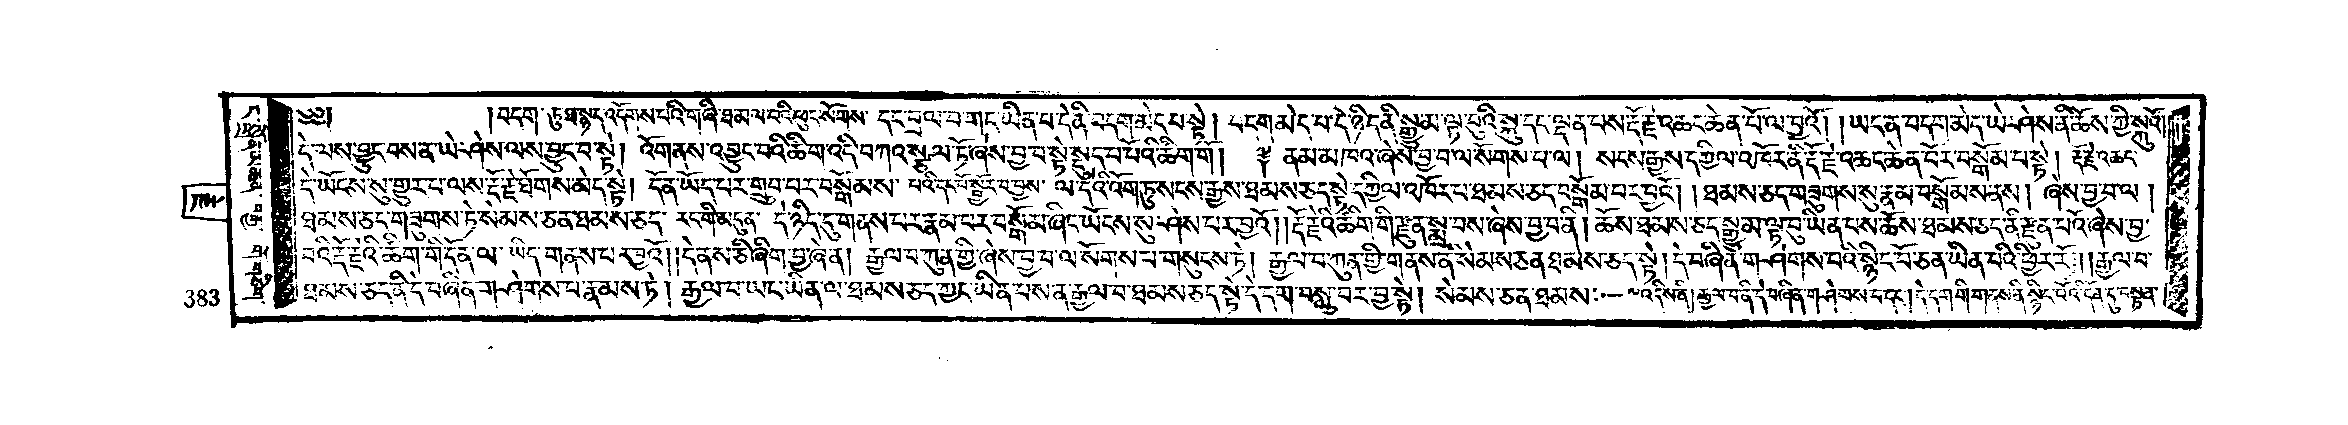༄༅། །བདག་ཏུ་ཐ་སྙད་འདོགས་པའི་གཞི་ཐ་མལ་པའི་ཕུང་སོགས་དང་བྲལ་བ་གང་ཡིན་པ་དེ་ནི་བདག་མེད་པ་སྟེ། བདག་མེད་པ་དེ་ཉིད་ནི་སྒྱུ་མ་ལྟ་བུའི་སྐུ་དང་ལྡན་པས་རྡོ་རྗེ་འཆང་ཆེན་པོ་ལ་བྱའོ། །ཡང་ན་བདག་མེད་ཡེ་ཤེས་ནི་ཆོས་ཀྱི་སྐུའོ།།
དེ་ལས་བྱུང་བས་ན་ཡེ་ཤེས་ལས་བྱུང་བ་སྟེ། འོག་ནས་འབྱུང་བའི་ཚིག་འདི་བཀའ་སྩལ་ཏོ་ཞེས་བྱ་བ་སྟེ་སྡུད་པ་པོའི་ཚིག་གོ ། ༈ ནམ་མཁའ་ཞེས་བྱ་བ་ལ་སོགས་པ་ལ། སངས་རྒྱས་དཀྱིལ་འཁོར་ནི་རྡོ་རྗེ་འཆང་ཆེན་པོར་བསྒོམ་པ་སྟེ། རྡོ་རྗེ་འཆང་
དེ་ཡོངས་སུ་གྱུར་པ་ལས་རྡོ་རྗེ་ཐོགས་མེད་སྟེ། དོན་ཡོད་པར་གྲུབ་པར་བསྒོམས་པའི་དང་པོ་སྦྱོར་བ་བྱས་ལ་དེའི་འོག་ཏུ་སངས་རྒྱས་ཐམས་ཅད་སྟེ་དཀྱིལ་འཁོར་པ་ཐམས་ཅད་བསྒོམ་པར་བྱའོ། །ཐམས་ཅད་གཟུགས་སུ་རྣམ་བསྒོམས་ནས། ཞེས་བྱ་བ་ལ།
ཐམས་ཅད་གཟུགས་ཏེ་སེམས་ཅན་ཐམས་ཅད་རང་གི་མདུན་དེ་ཉིད་དུ་གནས་པར་རྣམ་པར་བསྒོམ་ཞིང་ཡོངས་སུ་ཤེས་པར་བྱའོ། །རྡོ་རྗེའི་ཚིག་གི་རྫུན་སྨྲ་བས་ཞེས་བྱ་བ་ནི། ཆོས་ཐམས་ཅད་སྒྱུ་མ་ལྟ་བུ་ཡིན་པས་ཆོས་ཐམས་ཅད་ནི་རྫུན་པའོ་ཞེས་བྱ་
བའི་རྡོ་རྗེའི་ཚིག་གི་དོན་ལ་ཡིད་གནས་པར་བྱའོ། །དེ་ནས་ཅི་ཞིག་བྱ་ཞེ་ན། རྒྱལ་བ་ཀུན་གྱི་ཞེས་བྱ་བ་ལ་སོགས་པ་གསུངས་ཏེ། རྒྱལ་བ་ཀུན་གྱི་གནས་ནི་སེམས་ཅན་ཐམས་ཅད་སྟེ། དེ་བཞིན་གཤེགས་པའི་སྙིང་པོ་ཅན་ཡིན་པའི་ཕྱིར་རོ། །རྒྱལ་བ་
ཐམས་ཅད་ནི་དེ་བཞིན་གཤེགས་པ་རྣམས་ཏེ། རྒྱལ་བ་ཡང་ཡིན་ལ་ཐམས་ཅད་ཀྱང་ཡིན་པས་ན་རྒྱལ་བ་ཐམས་ཅད་སྟེ་དེ་དག་བསླུ་བར་བྱ་སྟེ། སེམས་ཅན་ཐམས་H.་༧་འདིས་ནི། རྒྱལ་བ་ནི་དེ་བཞིན་གཤེགས་པ་དང་། དེ་དག་གི་གནས་ནི་སྙིང་པོའི་དོན་དུ་བསྟན་